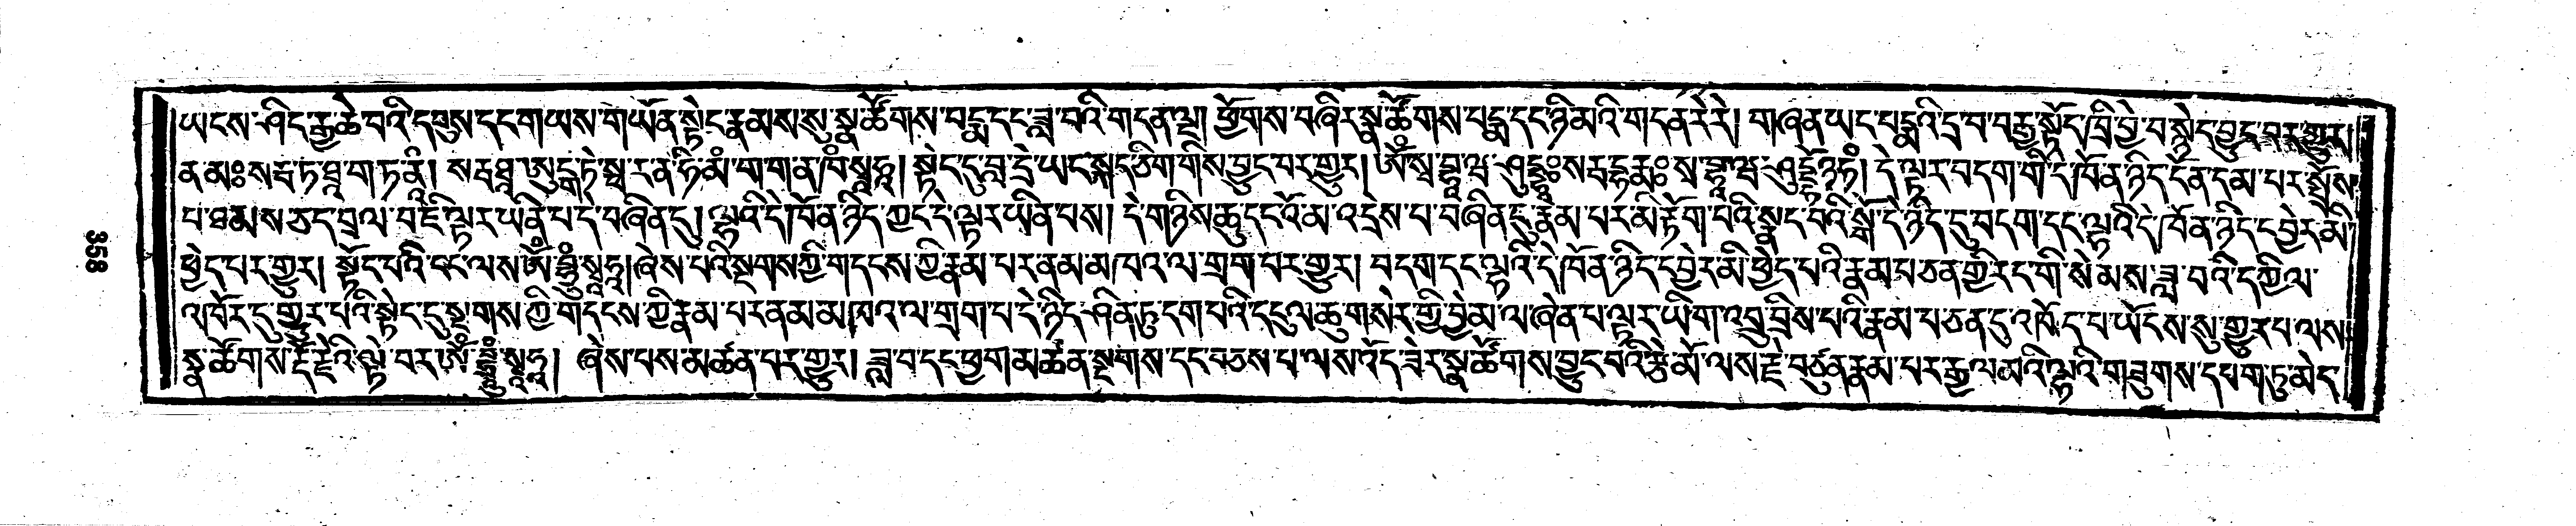ཡངས་ཤིང་རྒྱ་ཆེ་བའི་དབུས་དང་གཡས་གཡོན་སྟེང་རྣམས་སུ་སྣ་ཚོགས་པདམ་དང་ཟླ་བའི་གདན་ལྔ། ཕྱོགས་བཞིར་སྣ་ཚོགས་པདམ་དང་ཉི་མའི་གདན་རེ་རེ། གཞན་ཡང་པདམའི་དྲ་བ་བརྒྱ་སྟོང་ཁྲི་བྱེ་བ་སྙེད་བྱུང་བར་གྱུར།
ན་མཿ སརྦ་ཏ་ཐཱ་ག་ཏ་ནཱཾ། སརྦ་ཐཱ་ཨུདག་ཏེ་སྥ་ར་ན་ཧི་མཾ་ག་ག་ན་ཁཾ་སྭཱཧཱ། སྟེང་དུ་བླ་བྲེ་ཡང་སྐད་ཅིག་གིས་བྱང་བར་གྱུར། ཨོཾ་སྭ་བྷཱ་ཝ་ཤུདྡྷཿ སརྦ་དྷརྨཿ སྭ་བྷཱ་ཝ་ཤུདྡྷོཉ་ཧཾ། དེ་ལྟར་བདག་གི་དེ་ཁོ་ན་ཉིད་དོན་དམ་པར་སྤྲོས་
པ་ཐམས་ཅད་བྲལ་བ་ཇི་ལྟར་ཡིན་པ་དེ་བཞིན་དུ། ལྷའི་དེ་ཁོ་ན་ཉིད་ཀྱང་དེ་ལྟར་ཡིན་པས། དེ་གཉིས་ཆུ་དང་འོ་མ་འདྲེས་པ་བཞིན་དུ་རྣམ་པར་མི་རྟོག་པའི་སྣང་བའི་སྒོ་དེ་ཉིད་དུ་བདག་དང་ལྷའི་དེ་ཁོ་ན་ཉིད་དབྱེར་མི་
ཕྱེད་པར་གྱུར། སྟོང་པའི་ངང་ལས་ཨོཾ་བྷྲུཾ་སྭཱཧཱ། ཞེས་པའི་སྔགས་ཀྱི་གདངས་ཀྱི་རྣམ་པར་ནམ་མཁའ་ལ་གྲག་པར་གྱུར། བདག་དང་ལྷའི་དེ་ཁོ་ན་ཉིད་དབྱེར་མི་ཕྱེད་པའི་རྣམ་པ་ཅན་གྱི་རང་གི་སེམས་ཟླ་བའི་དཀྱིལ་
འཁོར་དུ་གྱུར་པའི་སྟེང་དུ་སྔགས་ཀྱི་གདངས་ཀྱི་རྣམ་པར་ནམ་མཁའ་ལ་གྲག་པ་དེ་ཉིད་ཤིན་ཏུ་དག་པའི་དངུལ་ཆུ་གསེར་གྱི་བྱེ་མ་ལ་ཞེན་པ་ལྟར་ཡིག་འབྲུ་བྲིས་པའི་རྣམ་པ་ཅན་དུ་འཁོད་པ་ཡོངས་སུ་གྱུར་པ་ལས་
སྣ་ཚོགས་རྡོ་རྗེའི་ལྟེ་བར་ཨོཾ་བྷྲུཾ་སྭཱཧཱ། ཞེས་པས་མཚན་པར་གྱུར། ཟླ་བ་དང་ཕྱག་མཚན་སྔགས་དང་བཅས་པ་ལས་འོད་ཟེར་སྣ་ཚོགས་བྱུང་བའི་རྩེ་མོ་ལས་རྗེ་བཙུན་རྣམ་པར་རྒྱལ་མའི་ལྷའི་གཟུགས་དཔག་ཏུ་མེད་